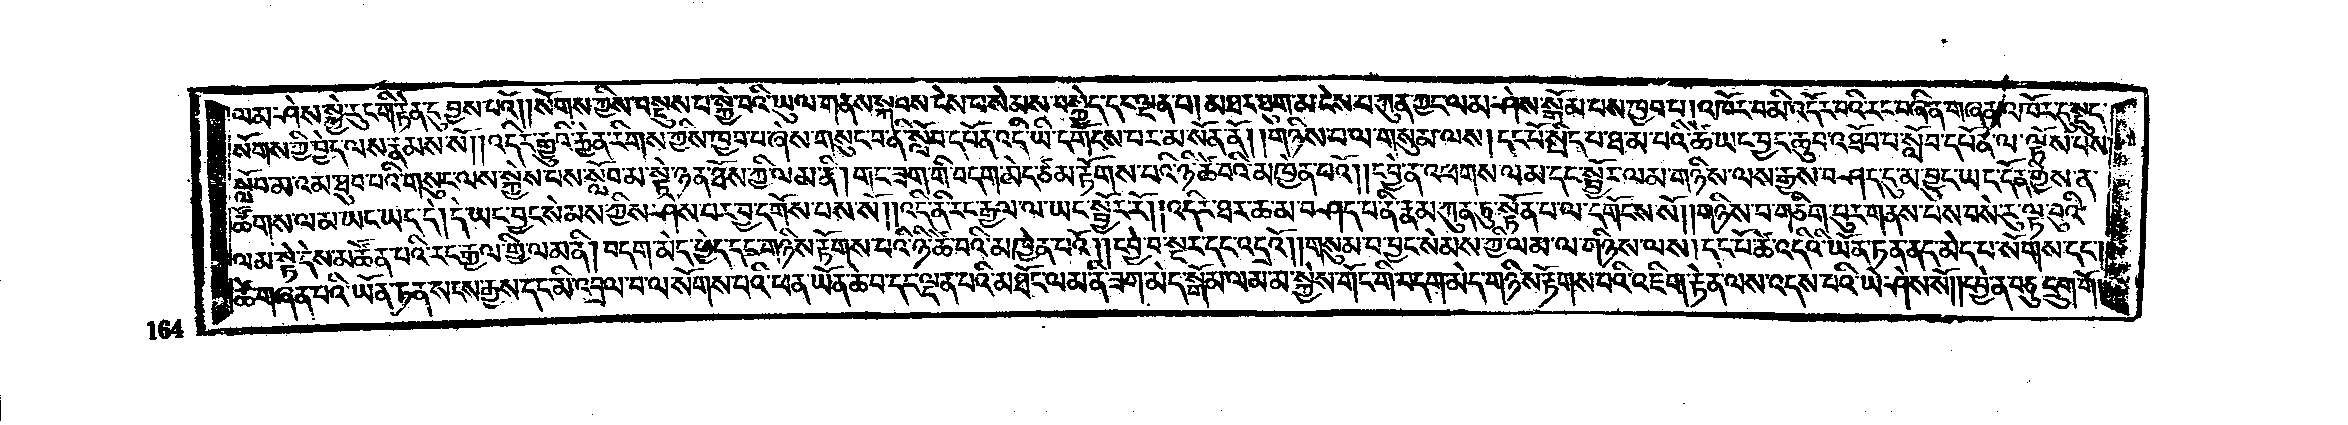ལམ་ཤེས་སྐྱེ་རུང་གི་རྟེན་དུ་བྱས་པའོ། །སོགས་ཀྱིས་བསྡུས་པ་སྐྱེ་བའི་ཡུལ་གནས་སྐབས་ངེས་པ་སེམས་བསྐྱེད་དང་ལྡན་པ། མཐར་ཐུག་མ་ངེས་པ་ཀུན་ཀྱང་ལམ་ཤེས་སྒོམ་པས་ཁྱབ་པ། འཁོར་བ་མི་འདོར་བའི་རང་བཞིན་གཞན་འཁོར་དུ་སྡུད་
སོགས་ཀྱི་བྱེད་ལས་རྣམས་སོ། །འདིར་རྒྱུའི་རྐྱེན་རིགས་ཀྱིས་ཁྱབ་པ་ཞེས་གསུང་བ་ནི་སློབ་དཔོན་འདི་ཡི་དགོངས་པར་མ་སོན་ནོ། །གཉིས་པ་ལ་གསུམ་ལས། དང་པོ་སྲིད་པ་ཐ་མ་པའི་ཚེ་ཡང་བྱང་ཆུབ་འཐོབ་པ་སློབ་དཔོན་ལ་ལྟོས་པས་
སློབ་མ་འམ་ཐུབ་པའི་གསུང་ལས་སྐྱེས་པས་སློབ་མ་སྟེ་ཉན་ཐོས་ཀྱི་ལམ་ནི། གང་ཟག་གི་བདག་མེད་ཙམ་རྟོགས་པའི་ཉི་ཚེ་བའི་མཁྱེན་པའོ། །དབྱེ་ན་འཕགས་ལམ་དང་སྦྱོར་ལམ་གཉིས་ལས་རྒྱས་བཤད་དུ་མ་བྱུང་ཡང་དོན་གྱིས་ན་
ཚོགས་ལམ་ཡང་ཡོད་དེ། དེ་ཡང་བྱང་སེམས་ཀྱིས་ཤེས་པར་བྱ་དགོས་པས་སོ། །འདི་ནི་རང་རྒྱལ་ལ་ཡང་སྦྱོར་རོ། །འདིར་ཐར་ཆ་མ་བཤད་པ་ནི་རྣམ་ཀུན་ཏུ་སྟོན་པ་ལ་དགོངས་སོ། །གཉིས་པ་གཅིག་པུར་གནས་པས་བསེ་རུ་ལྟ་བུའི་
ལམ་སྟེ་དེས་མཚོན་པའི་རང་རྒྱལ་གྱི་ལམ་ནི། བདག་མེད་ཕྱེད་དང་གཉིས་རྟོགས་པའི་ཉི་ཚེ་བའི་མཁྱེན་པའོ། །དབྱེ་བ་སྔར་དང་འདྲའོ། །གསུམ་པ་བྱང་སེམས་ཀྱི་ལམ་ལ་གཉིས་ལས། དང་པོ་ཚེ་འདིའི་ཡོན་ཏན་ནད་མེད་པ་སོགས་དང་།
ཚེ་གཞན་པའི་ཡོན་ཏན་སངས་རྒྱས་དང་མི་འབྲལ་བ་ལ་སོགས་པའི་ཕན་ཡོན་ཆེ་བ་དང་ལྡན་པའི་མཐོང་ལམ་ནི་ཟག་མེད་སྒོམ་ལམ་མ་སྐྱེས་གོང་གི་བདག་མེད་གཉིས་རྟོགས་པའི་འཇིག་རྟེན་ལས་འདས་པའི་ཡེ་ཤེས་སོ། །དབྱེ་ན་བཅུ་དྲུག་གོ །